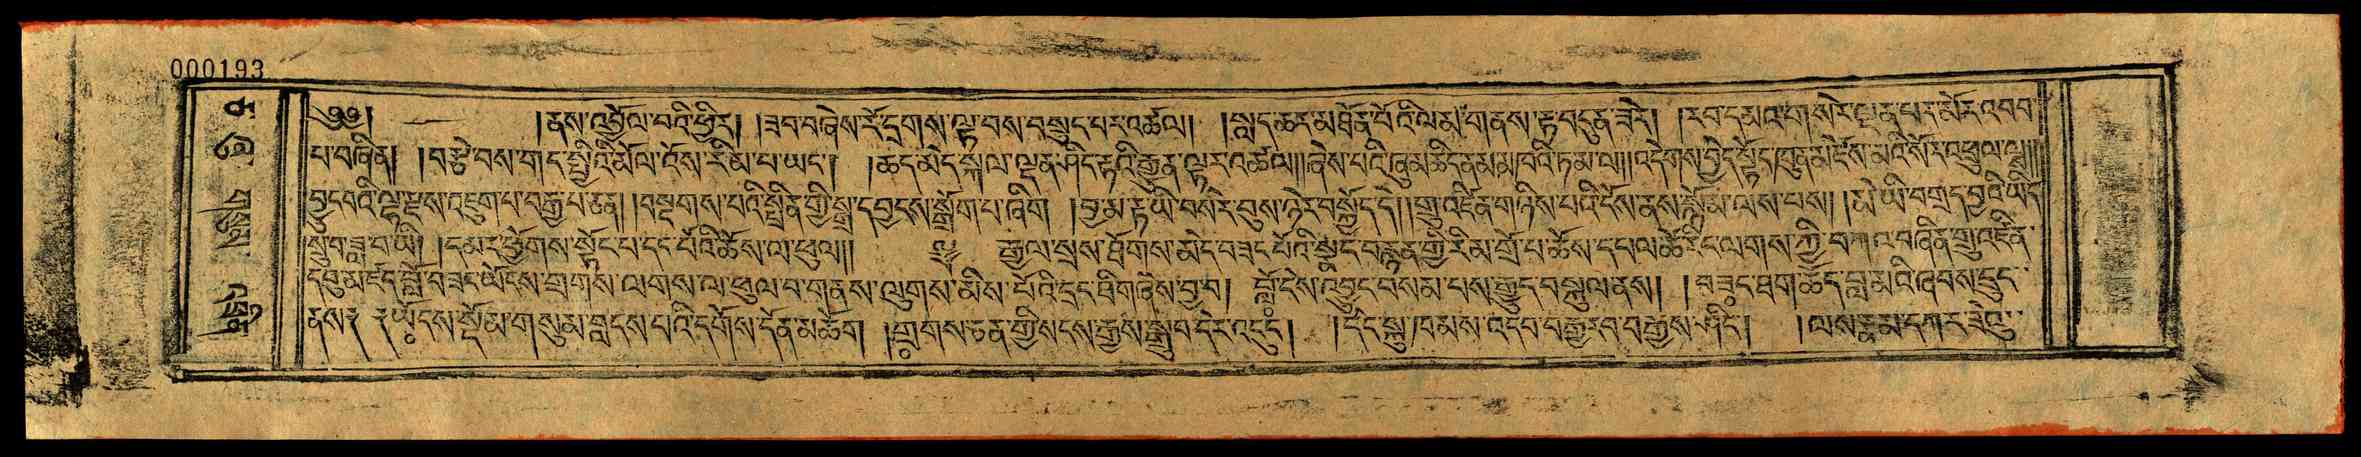༄༅། །ནས་འབྱོལ་བའི་ཕྱིར། །ཟབ་བཞེས་རི་དྭགས་ལྟ་བས་བསྲུང་བར་འཚལ། །སླན་ཆད་མཐོན་པོའི་ལམ་གནས་རྟ་བདུན་ཟེར། །རབ་དམའ་གསེར་ལྡན་པད་མར་འབབ་
པ་བཞིན། །བརྩེ་བས་གང་སྤྱིའི་མོལ་འོས་རིམ་པ་ཡང་། །ཚད་མེད་སྐལ་ལྡན་ཤིང་རྟའི་རྒྱུན་ལྟར་འཚལ། །ཞེས་པའི་ཞུ་མཆིད་ནམ་མཁའི་ཏ་མ་ལ། །འདེགས་བྱེད་སྟོང་ཁུན་མཛེས་མའི་སོར་འཕྲུལ་ལྶ།།
བྱུང་བའི་ལྷ་རྫས་འཇུག་པ་བརྒྱ་པ་ཅན། །བསྔགས་པའི་སྤྲིན་གྱི་སྒྲ་དབྱངས་སྒྲོག་པ་ཞིག །བྱ་མ་རྟ་ཡི་བསིར་བུས་ཉེར་བསྐྱོད་དེ། །གྲུ་འཛིན་གཉིས་པའི་ངོས་ནས་སྙོམ་ལས་པས། །མེ་ཡི་བགྲང་བྱའི་ཡིད་
སྲུབ་ཟླ་བ་ཡི། །དམར་ཕྱོགས་སྟོང་པ་དང་པོའི་ཆོས་ལ་ཕུལ།། ༈ རྒྱལ་སྲས་ཐོགས་མེད་བཟང་པོའི་སྣང་བརྙན་གྱི་རིམ་གྲོ་པ་ཆོས་དཔལ་ཚེ་རིང་ལགས་ཀྱི་བཀའ་བཞིན་གྲུ་འཛིན་
དབུ་མཛད་བློ་བཟང་ཡོངས་གྲགས་ལགས་ལ་ཕུལ་བ་གནས་ལུགས་མེས་པོའི་དྲང་ཐིག་ཞེས་བྱ་བ། བློ་ངེས་འབྱུང་བསམ་པས་རྒྱུད་བསྐུལ་ནས། །བཟང་ཐག་ཆོད་བླ་མའི་ཞབས་དྲུང་
ནས༑ ༑ཡོངས྾་སྡོམ་གསུམ་བླངས་པའི་དོགས་དོན་མཆོག །གྲགས྾་ཅན་གྱི་སངས་རྒྱས་སྒྲུབ་དེར་འདུད། །དེང་སྐུ་ཁམས་འདབ་བརྒྱ་རབ་བརྒྱས་ཤིང་། །ལས་རྣམ་དཀར་ཟེའུ་